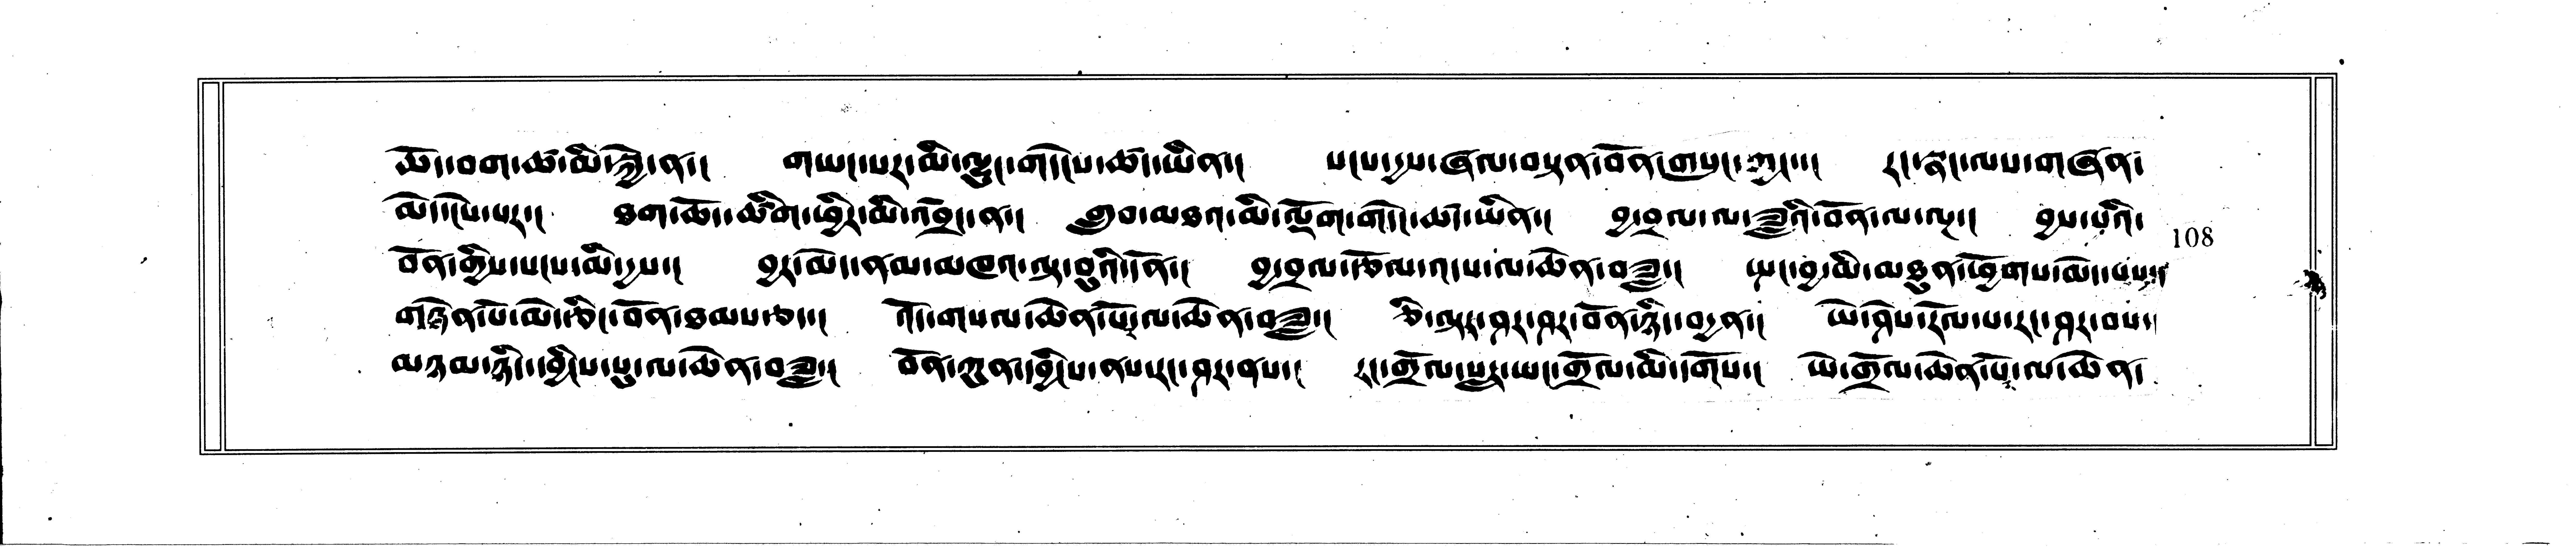ཆོད་བག་ཚ་མི་སྐྱེ་ན། །གཡང་སར་མི་ལྷུང་གདེང་ཚད་ཡིན། །སངས་རྒྱས་ཞལ་བསྟན་བོན་གསུངས་ཀྱང་། །རང་སྣང་ལས་གཞན་
མེད་ངེས་པར། །ཐག་ཆོད་ཚིག་ཕྱིར་མི་འབྲེང་ན། །གྲུབ་མཐའ་མི་ལྡོག་གདེང་ཚད་ཡིན། །བྱ་བྲལ་ལ་བཟླའི་བོན་ལ་ལྔ། །བྱས་པའི་
བོན་གྱིས་སངས་མི་རྒྱས། །བྱར་མེད་ནམ་མཁའ་ལྟ་བུའི་དོན། །བྱ་བྲལ་རྩོལ་འདས་ལ་ཆེན་བཟླ། 
 །ཅི་ལྟར་ཤར་ཤར་བོན་ཉིད་རྒྱན། །ཡེ་ཤེས་རོལ་པ་རང་ཤར་བས། 
།མཉམ་ཉིད་དབྱིངས་སུ་ལ་ཆེན་བཟླ། །བོན་ཀུན་དབྱིངས་ནས་རང་ཤར་ནས། །རང་གྲོལ་སླར་ཡང་གྲོལ་མི་དགོས། །ཡེ་གྲོལ་ཆེན་པོར་ལ་ཆེན་